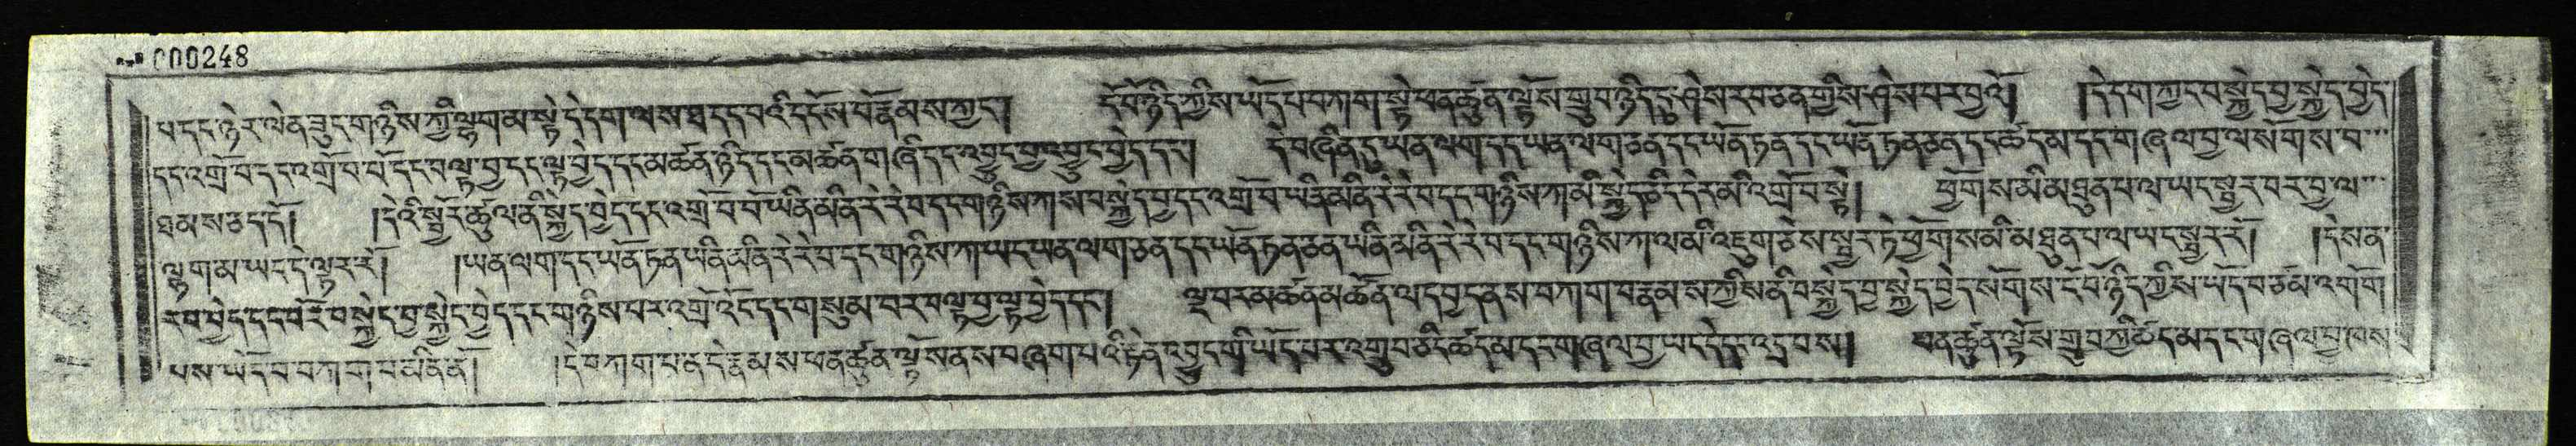པ་དང་ཉེར་ལེན་ཟུང་གཉིས་ཀྱི་ལྷག་མ་སྟེ་དེ་དག་ལས་ཐ་དད་པའི་དངོས་པོ་རྣམས་ཀྱང་། ངོ་བོ་ཉིད་ཀྱིས་ཡོད་པ་བཀག་སྟེ་ཕན་ཚུན་ལྟོས་གྲུབ་ཉིད་དུ་ཤེས་རབ་ཅན་གྱིས་ཤེས་པར་བྱའོ། །དེ་དག་ཀྱང་བསྐྱེད་བྱ་སྐྱེད་བྱེད་
དང་འགྲོ་བ་དང་འགྲོ་བ་པོ་དང་བལྟ་བྱ་དང་ལྟ་བྱེད་དང་མཚན་ཉིད་དང་མཚན་གཞི་དང་འབྱུང་བྱ་འབྱུང་བྱེད་དང་། དེ་བཞིན་དུ་ཡན་ལག་དང་ཡན་ལག་ཅན་དང་ཡོན་ཏན་དང་ཡོན་ཏན་ཅན་དང་ཚད་མེད་མ་དང་གཞལ་བྱ་ལ་སོགས་པ་
ཐམས་ཅད་དོ། །དེའི་སྦྱོར་ཚུལ་ནི་སྐྱེད་བྱེད་དང་འགྲོ་བ་པོ་ཡིན་མིན་རེ་རེ་བ་དང་གཉིས་ཀས་བསྐྱེད་བྱ་དང་འགྲོ་བ་ཡིན་མིན་རེ་རེ་བ་དང་གཉིས་ཀ་མི་སྐྱེད་ཅིང་དེར་མི་འགྲོ་བ་སྟེ། ཕྱོགས་མི་མཐུན་པ་ལ་ཡང་སྦྱར་བར་བྱ་ལ་
ལྷག་མ་ཡང་དེ་ལྟར་རོ། །ཡན་ལག་དང་ཡོན་ཏན་ཡིན་མིན་རེ་རེ་བ་དང་གཉིས་ཀ་ཡང་ཡན་ལག་ཅན་དང་ཡོན་ཏན་ཅན་ཡིན་མིན་རེ་རེ་བ་དང་གཉིས་ཀ་ལ་མི་འཇུག་ཅེས་སྦྱར་ཏེ་ཕྱོགས་མི་མཐུན་པ་ལ་ཡང་སྦྱར་རོ། །དེས་ན་
རབ་བྱེད་དང་བོར་བསྐྱེད་བྱ་སྐྱེད་བྱེད་དང་གཉིས་པར་འགྲོ་འོང་དང་གསུམ་པར་བལྟ་བྱ་ལྟ་བྱེད་དང་། ལྔ་བར་མཚན་མཚོན་ལ་དཔྱད་ནས་བཀག་པ་རྣམས་ཀྱིས་ནི་བསྐྱེད་བྱ་སྐྱེད་བྱེད་སོགས་ངོ་བོ་ཉིད་ཀྱིས་ཡོད་པ་ཙམ་འགོག་
པས་ཡོད་པ་བཀག་བ་མིན་ནོ། །དེ་བཀག་པ་ན་དེ་རྣམས་ཕན་ཚུན་ལྟོས་ནས་བཞག་པའི་རྟེན་འབྱུང་གི་ཡོད་པར་འགྲུབ་ཅིང་ཚད་མ་དང་གཞལ་བྱ་ཡང་དེ་དང་འདྲ་བས། ཕན་ཚུན་ལྟོས་གྲུབ་ཀྱི་ཚད་མ་དང་གཞལ་བྱ་ཁས་